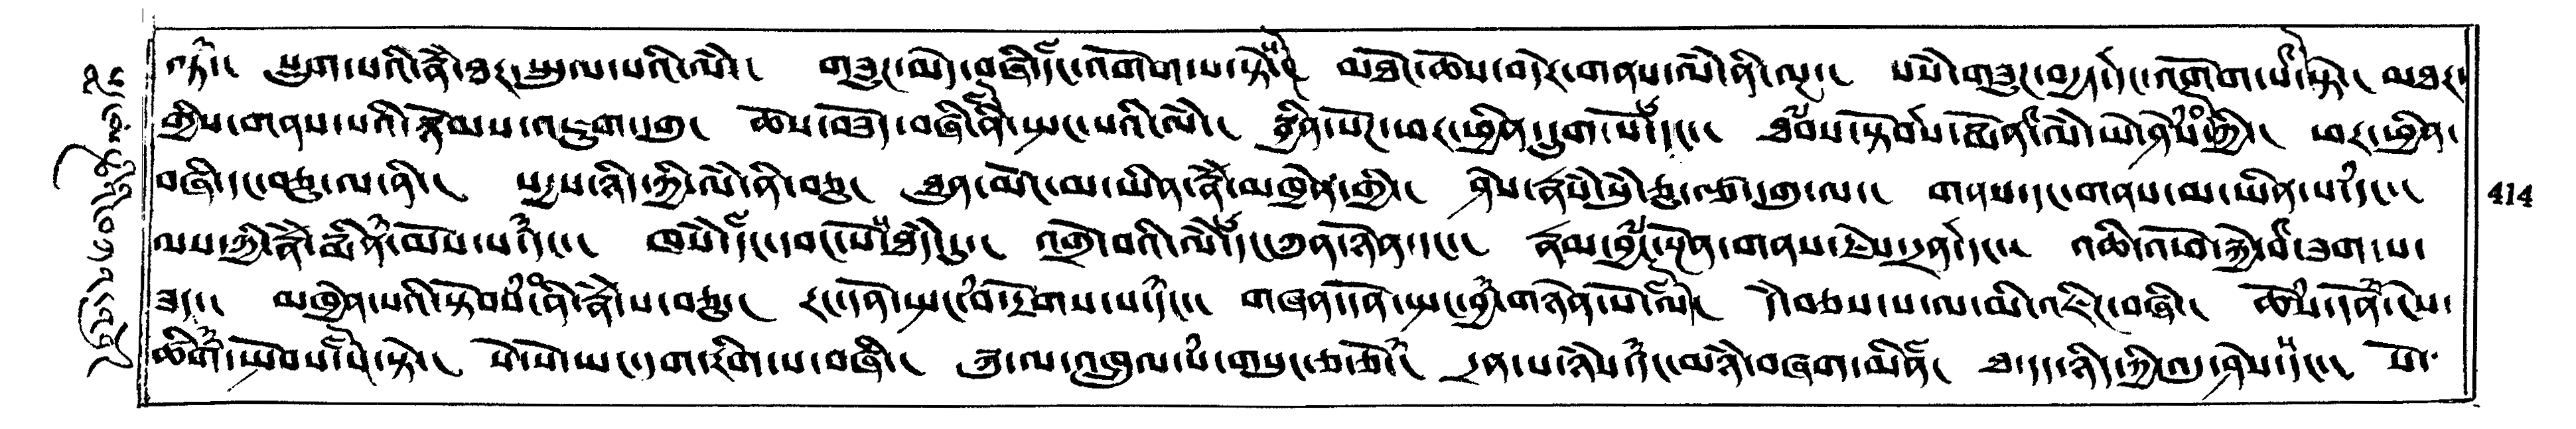ལྟ། །སྡུག་པའི་རྣམ་ཐར་སྤྲུལ་པའི་ལམ། །གཟུགས་མེད་བཞི་དང་འགོག་པ་སྟེ། །མཐོང་ཆོས་བདེར་གནས་ལམ་ནི་ལྔ། །བསམ་གཟུགས་བརྒྱད་དང་འགོག་པ་སྟེ། །མཐར་
གྱིས་གནས་པའི་སྙོམས་འཇུག་དགུ། །ཆོས་བཟོད་བཞི་ནི་སྤང་པའི་ལམ། །སྦྱིན་སོགས་ཕར་ཕྱིན་དྲུག་པོ་དང་། །ཐབས་སྟོབས་སྨོན་ལམ་ཡེ་ཤེས་ཀྱི། །ཕར་ཕྱིན་
བཞི་དང་བཅུ་ལ་ནི། །སངས་རྒྱས་ཉིད་ཀྱི་ལམ་ནི་བཅུ། །ཐུན་མོང་མ་ཡིན་རྣམ་མཁྱེན་གྱི། །ཤེས་རྣམ་སུམ་ཅུ་རྩ་དགུ་ལ། །གནས་དང་གནས་མ་ཡིན་པ་དང་། །
ལས་ཀྱི་རྣམ་སྨིན་མོས་པ་དང་།ཁམས་དང་དབང་པོ་ཐམས་ཅད་དུ། །འགྲོ་བའི་ལམ་དང་ཀུན་ཉོན་དང་། །རྣམ་བྱང་སྔོན་གནས་རྗེས་དྲན་དང་། །འཆི་འཕོ་སྐྱེ་བ་ཟག་པ་
ཟད། །མཁྱེན་པའི་སྟོབས་ནི་རྣམ་པ་བཅུ། །རང་དོན་སྤང་བ་རྟོགས་པ་དང་། །གཞན་དོན་སྤང་བྱ་གཉེན་པོ་ལ། །དམ་བཅས་པ་ལ་མི་འཇིགས་བཞི། །ཆོས་དོན་ངེས་
ཚིག་སྤོབས་པ་སྟེ། །སོ་སོ་ཡང་དག་རིག་པ་བཞི། །སྐུ་ལ་འཁྲུལ་པ་གསུང་ཅ་ཅོ། །དྲན་པ་ཉམས་དང་མཉམ་བཞག་མིན། །ཐ་དད་ཉིད་ཀྱི་འདུ་ཤེས་དང་། །སོ་